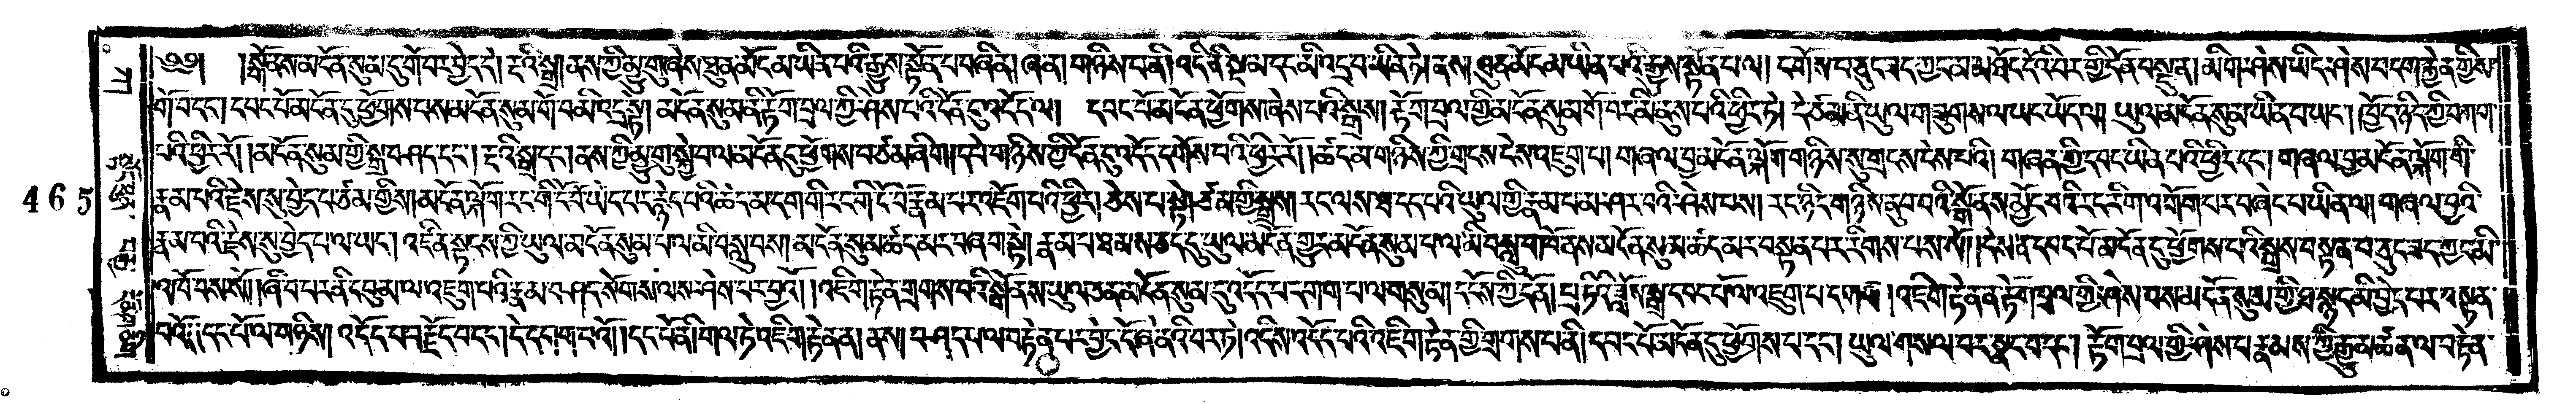༄༅། །སྒོ་ནས་མངོན་སུམ་དུ་གོ་བར་བྱེད་དེ། རྡའི་སྒྲ། ནས་ཀྱི་མྱུ་གུ་ཞེས་ཐུན་མོང་མ་ཡིན་པའི་རྒྱུས་སྟོན་པ་བཞིན། ཞེ་ན། གཉིས་པ་ནི། འདི་ནི་སྔ་མ་དང་མི་འདྲ་བ་ཡིན་ཏེ། ནས། ཐུན་མོང་མ་ཡིན་པའི་རྒྱུས་སྟོན་པ་ལ། དགོས་བ་ཅུང་ཟད་ཀྱང་མ་མཐོང་ངོའི་བར་གྱི་དོན་བསྡུ་ན། མིག་ཤེས་ཡིད་ཤེས་བདག་རྐྱེན་གྱིས་
གོ་བ་དང་། དབང་པོ་མངོན་དུ་ཕྱོགས་བས་མངོན་སུམ་གོ་བ་མི་འདྲ་སྟེ། མངོན་སུམ་ནི་རྟོག་བྲལ་ཀྱི་ཤེས་པའི་དོན་དུ་འདོད་ལ། དབང་པོ་མངོན་ཕྱོགས་ཞེས་པའི་སྒྲས། རྟོག་བྲལ་གྱི་མངོན་སུམ་གོ་བར་མི་ནུས་པའི་ཕྱིར་ཏེ། དེ་ཙམ་ནི་ཡུལ་གཟུགས་ལ་ཡང་ཡོད་ལ། ཡུལ་མངོན་སུམ་ཡིན་པ་ཡང་། ཁྱོད་ཉིད་ཀྱི་བཀག་
པའི་ཕྱིར་རོ། །མངོན་སུམ་གྱི་སྒྲ་བཤད་དང་། རྡའི་སྒྲ་དང་། ནས་ཀྱི་མྱུ་གུ་སྐྱེ་བ་ལ་མངོན་དུ་ཕྱོགས་བ་ཙམ་ཞིག །དཔེ་གཉིས་ཀྱི་དོན་དུ་འདོད་དགོས་བའི་ཕྱིར་རོ། །ཚད་མ་གཉིས་ཀྱི་གྲངས་ངེས་འཇུག་པ། གཞལ་བྱ་མངོན་ལྐོག་གཉིས་སུ་གྲངས་ངེས་པའི། གཞན་གྱི་དབང་ཡིན་པའི་ཕྱིར་དང་། གཞལ་བྱ་མངོན་ལྐོག་གི་
རྣམ་པའི་རྗེས་སུ་བྱེད་པ་ཙམ་གྱིས། མངོན་ལྐོག་རང་གི་ངོ་བོ་ཡོད་པར་རྙེད་པའི་ཚད་མ་དག་གི་རང་གི་ངོ་བོ་རྣམ་པར་འཇོག་པའི་ཕྱིར། ཅེས་པ་སྟེ། ཙམ་གྱི་སྒས། རང་ལས་ཐ་དད་པའི་ཡུལ་གྱི་རྣམ་པ་མ་ཤར་བའི་ཤེས་པས། རང་ཉིད་གཉིས་ནུབ་བའི་སྒོ་ནས་མྱོང་བའི་རང་རིག་འགོག་པར་བཞེད་པ་ཡིན་ལ། གཞལ་བྱའི་
རྣམ་པའི་རྗེས་སུ་བྱེད་པ་ལ་ཡང་། འཛིན་སྟངས་ཀྱི་ཡུལ་མངོན་སུམ་པ་ལ་མི་བསླུ་བས། མངོན་སུམ་ཚད་མར་བཞག་སྟེ། རྣམ་པ་ཐམས་ཅད་དུ་ཡུལ་མངོན་གྱུར་མངོན་སུམ་པ་ལ་མི་བསླུ་བ་ཁོ་ནས་མངོན་སུམ་ཚད་མར་བསྟན་པར་རིགས་པས་སོ། །དེས་ན་དབང་པོ་མངོན་དུ་ཕྱོགས་པའི་སྒྲས་བསྟན་བ་ཅུང་ཟད་ཀྱང་མི་
འཁོ་བས་སོ། །ཞི་བ་པར་ནི་དབུམ་ལ་འཇུག་པའི་རྣམ་བཤད་སོགས་ལས་ཤེས་པར་བྱའོ། །འཇིག་རྟེན་གྲགས་པའི་སྒོ་ནས་ཡུལ་ཅན་མངོན་སུམ་དུ་འདོད་པ་དགག་པ་ལ་གསུམ། དངོས་ཀྱི་དོན། པྲ་ཏིའི་ཟློས་སྒྲ་དབང་པོ་ལ་འཇུག་པ་དཀའ་འཇིག་རྟེན་ན་རྟོག་བྲལ་གྱི་ཤེས་བས་མངོན་སུམ་གྱི་ཐ་སྙད་མི་བྱེད་པར་བསྟན་
པའོ༑ ༑དང་པོ་ལ་གཉིས། འདོད་བ་བརྗོད་པ་དང་། དེ་དགག་པའོ། །དང་པོ་ནི། གལ་ཏེ་འཇིག་རྟེན་ན། ནས། བཤད་པ་ལ་བརྟེན་པར་བྱེད་དོ་ཞེ་ནའི་བར་ཏེ། འདིས་འདོད་པའི་འཇིག་རྟེན་གྱི་གྲགས་པ་ནི། དབང་པོ་མངོན་དུ་ཕྱོགས་པ་དང་། ཡུལ་གསལ་བར་སྣང་བ་དང་། རྟོག་བྲལ་གྱི་ཤེས་པ་རྣམས་ཀྱི་རྒྱུ་མཚན་ལ་བརྟེན་